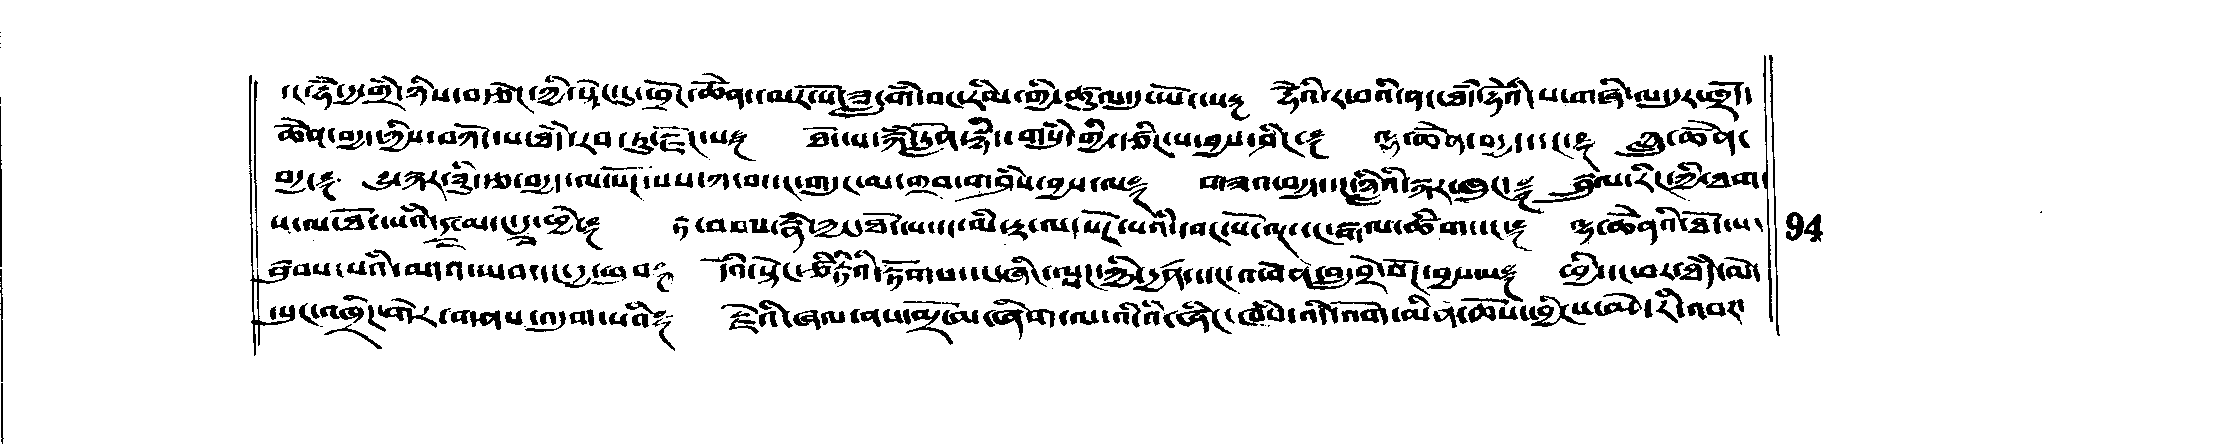དང་རྡོ་རྗེ་རྒྱ་གྲམ་ཉིས་བརྩེགས་ཀྱི་སྟེང་དུ་ཕོ་བྲང་ཆེན་པོ་དམར་པོ་ཟླ་གམ་བང་རིམ་གྱི་ཚུལ་དུ་ཡོད་པ། རྡོ་རྗེའི་རྭ་བའི་ནང་ཐམས་ཅད་རྡོ་རྗེའི་ས་གཞི་ལ་དུར་ཁྲོད་
ཆེན་པོ་བརྒྱད་ཀྱིས་བཀོད་པ་ཐམས་ཅད་རབ་ཏུ་རྫོགས་པ། ཐོད་པ་རྐམ་རློན་རྙིད་གསུམ་གྱི་རྩིགས་པ་བྱས་ཤིང་། ལྷ་ཆེན་པོ་བརྒྱད་དང་། ཀླུ་ཆེན་
པོ་བརྒྱད། རྒྱུ་སྐར་ཉི་ཤུ་རྩ་བརྒྱད་ལ་སོགས་པས་ཀ་བ་དང་གདུང་མ་གྲབ་གཤམས་བྱས་ལ། གཟའ་བརྒྱད་དང་ཉི་ཟླའི་སྐར་ཁུང་། སྦྲུལ་རིགས་ཀྱི་ཐག་
པ་ལ་ཐོད་པའི་དྲྭ་བ་དང་དྲྭ་ཕྱེད། རྟ་བབས་རྣམས་ཀྱང་ཐོད་པ་དང་མི་རྟ་ལ་སོགས་པའི་དབང་པོ་ལྔ་དང་སྒལ་ཚིགས་དང་། ལྷ་ཆེན་པོའི་ཐོད་པ་
སྦུབས་པའི་མདའ་ཡབ་དང་རྒྱ་ཕུབ། དེའི་སྟེང་ཙིཏྟིའི་ཏོག་དང་ཞིང་ལྤགས་ཀྱི་རྒྱལ་མཚན་དང་འཕེན་བླ་བྲེ་སོགས་བྱས་པ། ཕྱི་དང་བར་ཐམས་ཅད་མེ་
དཔུང་འཁྲིགས་གེར་གནས་འདུག་པའི། རྗེའི་ཞལ་ནས་མཁའ་འགྲོ་མ་ཞིག་ལ་འདིའི་ཞིང་ཁམས་འདི་འོག་མིན་ཆོས་དབྱིངས་མེ་རི་འབར་